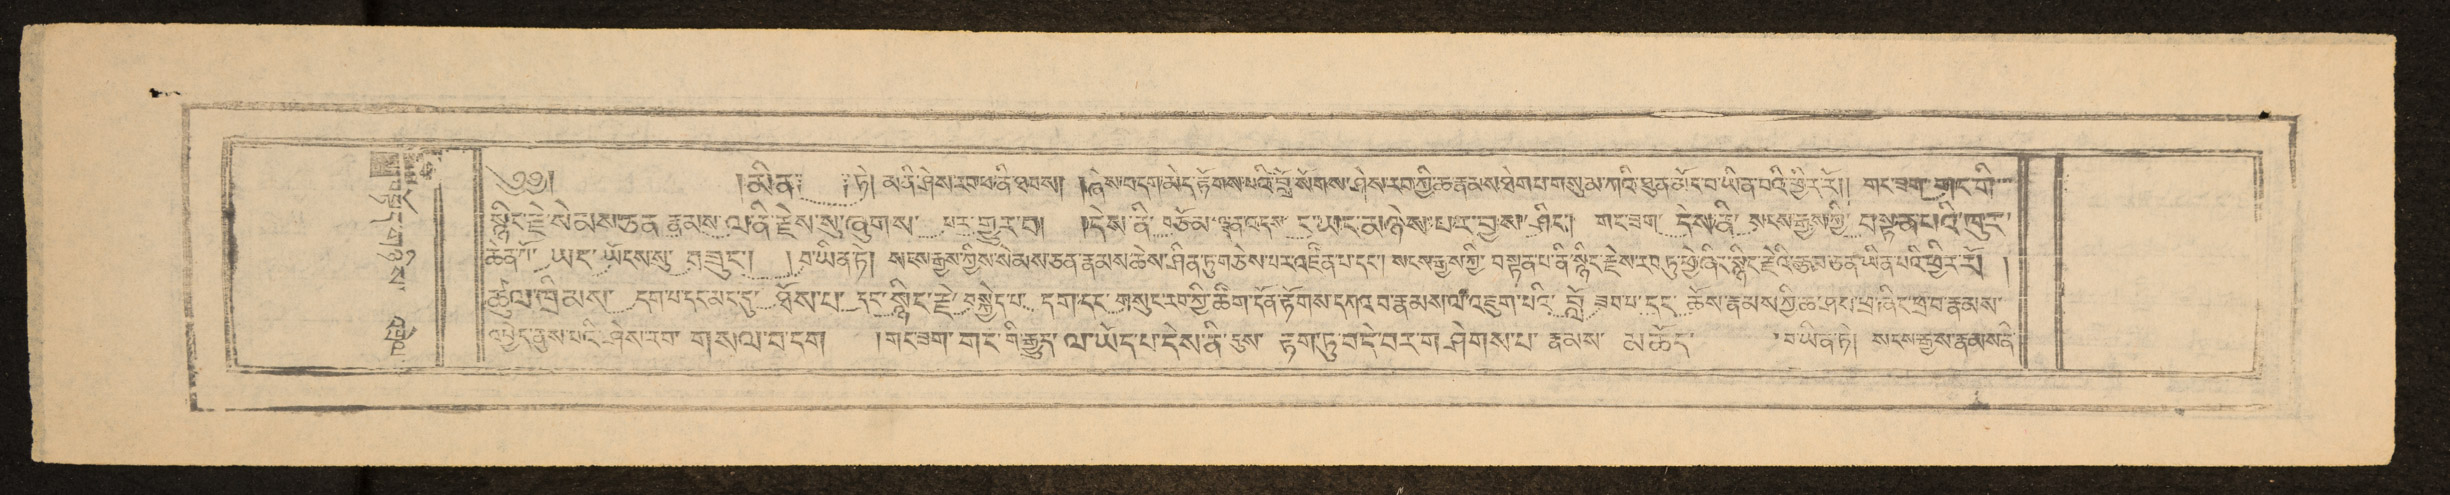༄༅། །མིན༑ ༑ཏེ། མ་ནི་ཤེས་རབ་ཕ་ནི་ཐབས། །སེ་བདག་མེད་རྟོགས་པའི་བློ་སོགས་ཤེས་རབ་ཀྱི་ཆ་རྣམས་ཐེག་པ་གསུམ་ཀའི་ཐུན་མོང་བ་ཡིན་པའི་ཕྱིར་རོ།། གང་ཟག་གང་གི་
སྙིང་རྗེ་སེམས་ཅན་རྣམས་ལ་ནི་རྗེས་སུ་ཞུགས་པར་གྱུར་བ། །དེས་ནི་བཅོམ་ལྡན་འདས་ང་ཡང་མཉེས་པར་བྱས་ཤིང་། གང་ཟག་དེས་ནི་སངས་རྒྱས་ཀྱི་བསྟན་པའི་ཁུར་
ཆེན་པོ་ཡང་ཡོངས་སུ་བཟུང་། །བ་ཡིན་ཏེ། སངས་རྒྱས་ཀྱིས་སེམས་ཅན་རྣམས་ཆེས་ཤིན་ཏུ་གཅེས་པར་འཛིན་པ་དང་། སངས་རྒྱས་ཀྱི་བསྟན་པ་ནི་སྙིང་རྗེས་རབ་ཏུ་ཕྱེ་ཞིང་སྙིང་རྗེའི་རྩ་བ་ཅན་ཡིན་པའི་ཕྱིར་རོ།།
ཚུལ་ཁྲིམས་དག་པ་དང་མང་དུ་ཐོས་པ་དང་སྙིང་རྗེ་བསྐྱེད་པ་དག་དང་གསུང་རབ་ཀྱི་ཚིག་དོན་རྟོགས་དཀའ་བ་རྣམས་ལ་འཇུག་པའི་བློ་ཟབ་པ་དང་ཆོས་རྣམས་ཀྱི་ཆ་ཤས་ཕྲ་ཞིང་ཕྲ་བ་རྣམས་
འབྱེད་ནུས་པའི་ཤེས་རབ་གསལ་བ་དག །གང་ཟག་གང་གི་རྒྱུད་ལ་ཡོད་པ་དེས་ནི་དུས་རྟག་ཏུ་བདེ་བར་གཤེགས་པ་རྣམས་མཆོད་།བ་ཡིན་ཏེ། སངས་རྒྱས་རྣམས་ནི་